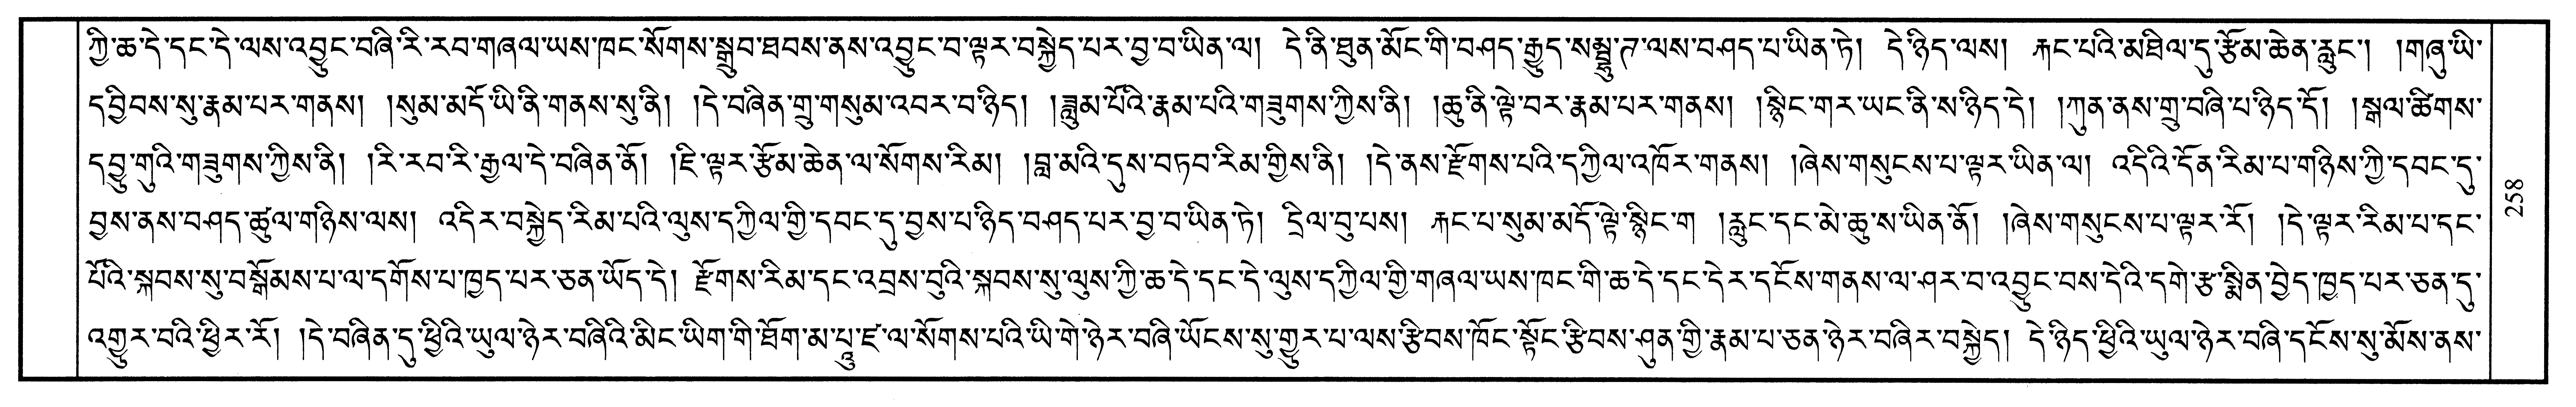ཀྱི་ཆ་དེ་དང་དེ་ལས་འབྱུང་བཞི་རི་རབ་གཞལ་ཡས་ཁང་སོགས་སྒྲུབ་ཐབས་ནས་འབྱུང་བ་ལྟར་བསྐྱེད་པར་བྱ་བ་ཡིན་ལ། དེ་ནི་ཐུན་མོང་གི་བཤད་རྒྱུད་སམྦྷུ་ཊ་ལས་བཤད་པ་ཡིན་ཏེ། དེ་ཉིད་ལས། རྐང་པའི་མཐིལ་དུ་རྩོམ་ཆེན་རླུང་། །གཞུ་ཡི་
དབྱིབས་སུ་རྣམ་པར་གནས། །སུམ་མདོ་ཡི་ནི་གནས་སུ་ནི། །དེ་བཞིན་གྲུ་གསུམ་འབར་བ་ཉིད། །ཟླུམ་པོའི་རྣམ་པའི་གཟུགས་ཀྱིས་ནི། །ཆུ་ནི་ལྟེ་བར་རྣམ་པར་གནས། །སྙིང་གར་ཡང་ནི་ས་ཉིད་དེ། །ཀུན་ནས་གྲུ་བཞི་པ་ཉིད་དོ། །སྒལ་ཚིགས་
དབྱུ་གུའི་གཟུགས་ཀྱིས་ནི། །རི་རབ་རི་རྒྱལ་དེ་བཞིན་ནོ། །ཇི་ལྟར་རྩོམ་ཆེན་ལ་སོགས་རིམ། །བླ་མའི་དུས་བཏབ་རིམ་གྱིས་ནི། །དེ་ནས་རྫོགས་པའི་དཀྱིལ་འཁོར་གནས། །ཞེས་གསུངས་པ་ལྟར་ཡིན་ལ། འདིའི་དོན་རིམ་པ་གཉིས་ཀྱི་དབང་དུ་
བྱས་ནས་བཤད་ཚུལ་གཉིས་ལས། འདིར་བསྐྱེད་རིམ་པའི་ལུས་དཀྱིལ་གྱི་དབང་དུ་བྱས་པ་ཉིད་བཤད་པར་བྱ་བ་ཡིན་ཏེ། དྲིལ་བུ་པས། རྐང་པ་སུམ་མདོ་ལྟེ་སྙིང་ག །རླུང་དང་མེ་ཆུ་ས་ཡིན་ནོ། །ཞེས་གསུངས་པ་ལྟར་རོ། །དེ་ལྟར་རིམ་པ་དང་
པོའི་སྐབས་སུ་བསྒོམས་པ་ལ་དགོས་པ་ཁྱད་པར་ཅན་ཡོད་དེ། རྫོགས་རིམ་དང་འབྲས་བུའི་སྐབས་སུ་ལུས་ཀྱི་ཆ་དེ་དང་དེ་ལུས་དཀྱིལ་གྱི་གཞལ་ཡས་ཁང་གི་ཆ་དེ་དང་དེར་དངོས་གནས་ལ་ཤར་བ་འབྱུང་བས་དེའི་དགེ་རྩ་སྨིན་བྱེད་ཁྱད་པར་ཅན་དུ་
འགྱུར་བའི་ཕྱིར་རོ། །དེ་བཞིན་དུ་ཕྱིའི་ཡུལ་ཉེར་བཞིའི་མིང་ཡིག་གི་ཐོག་མ་པཱུ་ཛ་ལ་སོགས་པའི་ཡི་གེ་ཉེར་བཞི་ཡོངས་སུ་གྱུར་པ་ལས་རྩིབས་ཁོང་སྟོང་རྩིབས་ཤུན་གྱི་རྣམ་པ་ཅན་ཉེར་བར་བཞིར་བསྐྱེད། དེ་ཉིད་ཕྱིའི་ཡུལ་ཉེར་བཞི་དངོས་སུ་མོས་ནས་